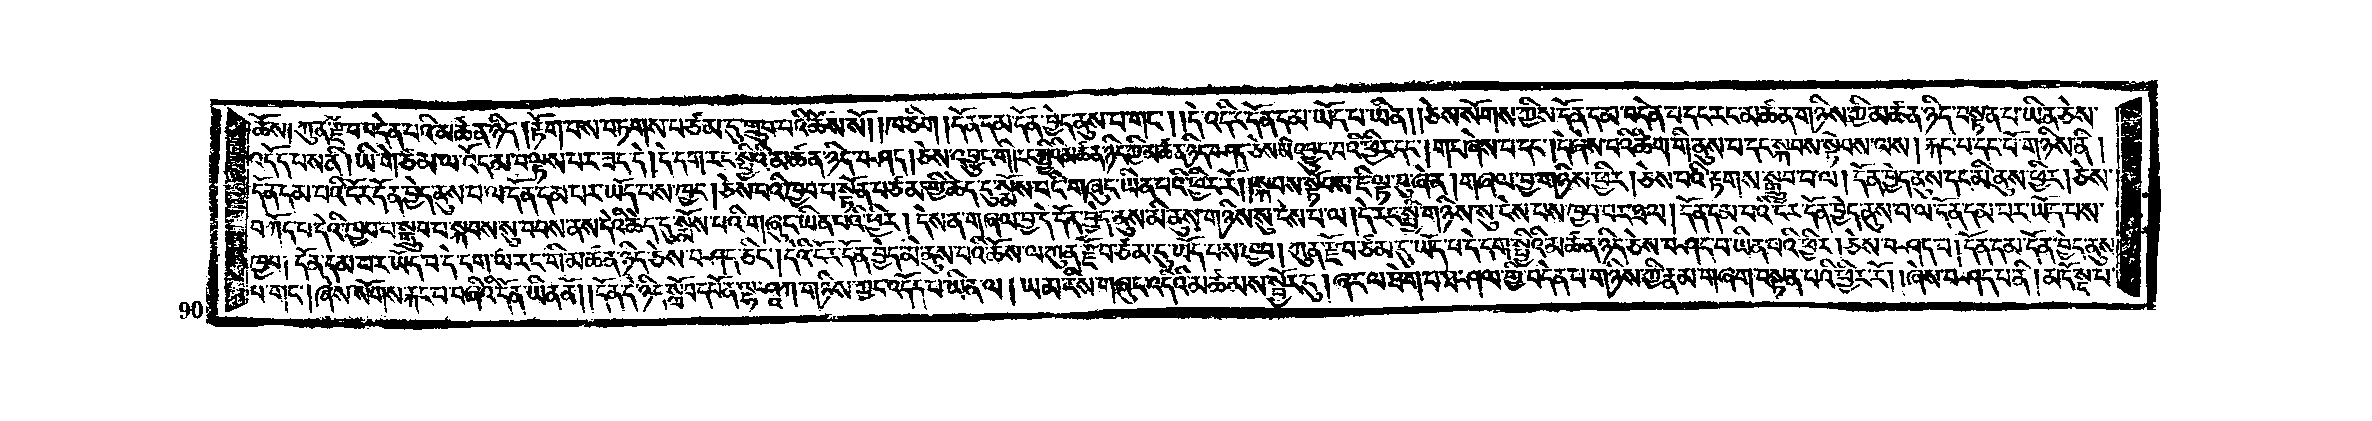ཆོས། ཀུན་རྫོབ་བདེན་པའི་མཚན་ཉིད། རྟོག་པས་བཏགས་པ་ཙམ་དུ་གྲུབ་པའི་ཆོས་སོ། །ཁ་ཅིག །དོན་དམ་དོན་བྱེད་ནུས་པ་གང་། །དེ་འདིར་དོན་དམ་ཡོད་པ་ཡིན། །ཅེས་སོགས་ཀྱིས་དོན་དམ་བདེན་པ་དང་རང་མཚན་གཉིས་ཀྱི་མཚན་ཉིད་བསྟན་པ་ཡིན་ཅེས་
འདོད་པས་ནི། ཡི་གེ་ཙམ་ལའང་མ་བལྟས་པར་ཟད་དེ། དེ་དག་རང་སྤྱིའི་མཚན་ཉིད་བཤད། ཅེས་འབྱུང་གི །རང་སྤྱི་མཚན་ཉིད་ཀྱི་མཚན་ཉིད་བཤད། ཅེས་མི་འབྱུང་བའི་ཕྱིར་དང་། གང་ཞེས་པ་དང་། དེ་ཞེས་པའི་ཚིག་གི་ནུས་པ་དང་སྐབས་སྟོབས་ལས། རྐང་པ་དང་པོ་གཉིས་ནི།
དོན་དམ་པའི་ངོར་དོན་བྱེད་ནུས་པ་ལ་དོན་དམ་པར་ཡོད་པས་ཁྱབ། ཅེས་པའི་ཁྱབ་པ་སྟོན་པ་ཙམ་གྱི་ཆེད་དུ་སྨོས་པའི་གཞུང་ཡིན་པའི་ཕྱིར་རོ། །སྐབས་སྟོབས་ཇི་ལྟ་བུ་ཞེ་ན། གཞལ་བྱ་གཉིས་ཕྱིར། ཅེས་པའི་རྟགས་སྒྲུབ་པ་ལ། དོན་བྱེད་ནུས་དང་མི་ནུས་ཕྱིར། ཅེས་
བཀོད་པ་དེའི་ཁྱབ་པ་སྒྲུབ་པ་སྐབས་སུ་བབས་ནས་དེའི་ཆེད་དུ་སྨོས་པའི་གཞུང་ཡིན་པའི་ཕྱིར། དེས་ན་གཞལ་བྱ་དེ་དོན་བྱེད་ནུས་མི་ནུས་གཉིས་སུ་ངེས་པ་ལ། དེ་རང་སྤྱི་གཉིས་སུ་ངེས་པས་ཁྱབ་པར་ཐལ། དོན་དམ་པའི་ངོར་དོན་བྱེད་ནུས་པ་ལ་དོན་དམ་པར་ཡོད་པས་
ཁྱབ། དོན་དམ་པར་ཡོད་པ་དེ་དག་ལ་རང་གི་མཚན་ཉིད་ཅེས་བཤད་ཅིང་། དེའི་ངོར་དོན་བྱེད་མི་ནུས་པའི་ཆོས་ལ་ཀུན་རྫོབ་ཙམ་དུ་ཡོད་པས་ཁྱབ། ཀུན་རྫོབ་ཙམ་དུ་ཡོད་པ་དེ་དག་སྤྱིའི་མཚན་ཉིད་ཅེས་བཤད་པ་ཡིན་པའི་ཕྱིར། ཅེས་བཤད་པ། དོན་དམ་དོན་བྱེད་ནུས་
པ་གང་། ཞེས་སོགས་རྐང་པ་བཞིའི་དོན་ཡིན་ནོ། །དོན་དེ་ཉིད་སློབ་དཔོན་ལྷ་ཤཱཀ་གཉིས་ཀྱང་འདོད་པ་ཡིན་ལ། ཡ་མ་རིས་གཞུང་འདིའི་མཚམས་སྦྱོར་དུ། ཞར་ལ་ཐེག་པ་ཐ་ཤལ་གྱི་བདེན་པ་གཉིས་ཀྱི་རྣམ་གཞག་བསྟན་པའི་ཕྱིར་རོ། །ཞེས་བཤད་པ་ནི། མདོ་སྡེ་པ་